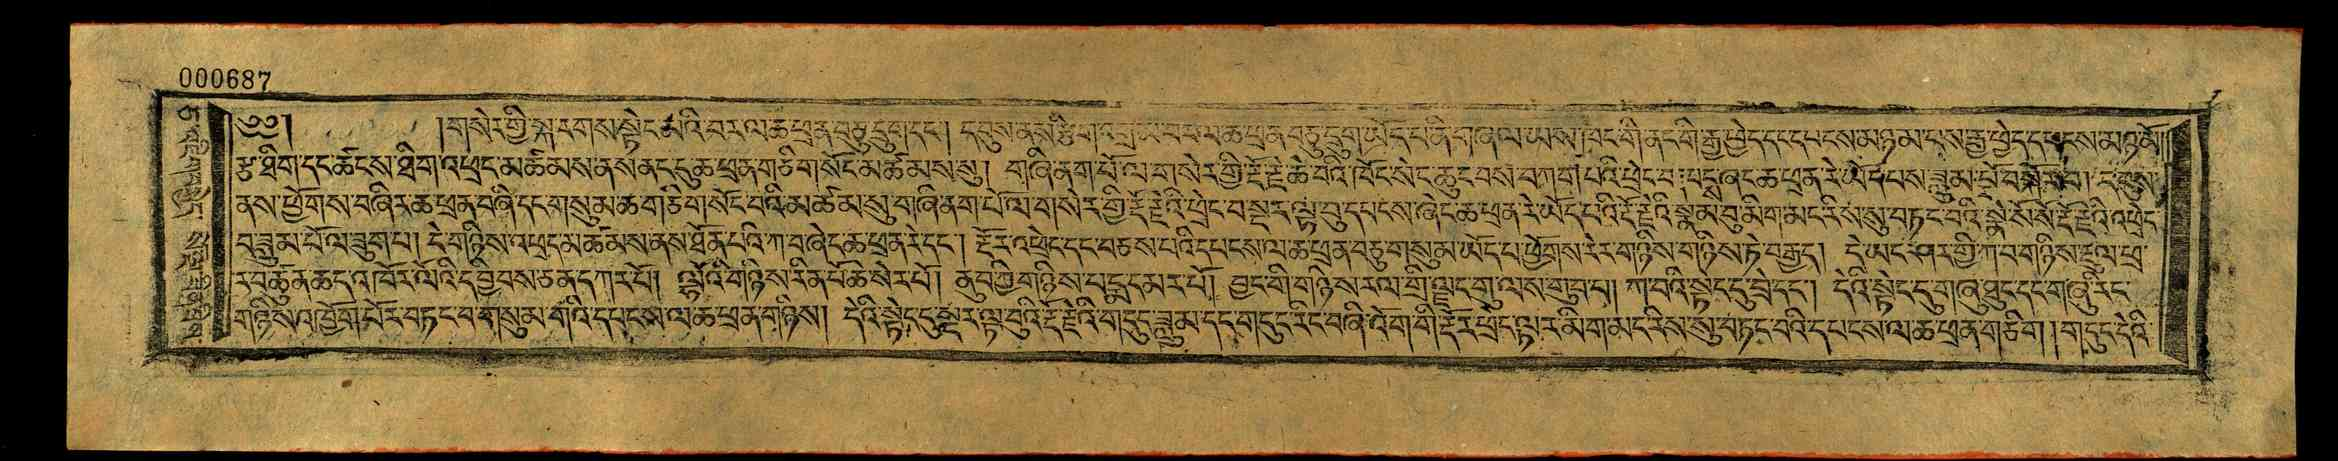༄༅། །གསེར་གྱི་སྐ་རགས་སྟེང་མའི་བར་ལ་ཆ་ཕྲན་བཅུ་དྲུག་དང་། དབུས་ནས་རྩིག་འགྲམ་བར་ལ་ཆ་ཕྲན་བཅུ་དྲུག་ཡོད་པ་ནི་གཞལ་ཡས་ཁང་གི་ནང་གི་རྒྱ་ཕྱེད་དང་དཔངས་མཉམ་པས་རྒྱ་ཕྱེད་དཔངས་མཉམ་མོ༑
རྩ་ཐིག་དང་ཚངས་ཐིག་འཕྲད་མཚམས་ནས་ནང་དུ་ཆ་ཕྲན་གཅིག་སོང་མཚམས་སུ། གཞི་ནག་པོ་ལ་གསེར་གྱི་རྡོ་རྗེ་ཆེ་བའི་ཁོང་སེང་ཆུང་བས་བཀག་པའི་ཕྲེང་བ་དཔངས་ཞེང་ཆ་ཕྲན་རེ་ཡོད་པས་ཟླུམ་པོར་བསྐོར་བ། དབུས་
ནས་ཕྱོགས་བཞིར་ཆ་ཕྲན་བཞི་དང་གསུམ་ཆ་གཅིག་སོང་བའི་མཚམས་སུ་གཞི་ནག་པོ་ལ་གསེར་གྱི་རྡོ་རྗེའི་ཕྲེང་བ་སྔར་ལྟ་བུ་དཔངས་ཞེང་ཆ་ཕྲན་རེ་ཡོད་པའི་རྡོ་རྗེའི་སྣམ་བུ་མིག་མང་རིས་སུ་བཏང་བའི་སྣེ་སོ་སོ་རྡོ་རྗེའི་འཕྲེང་
བ་ཟླུམ་པོ་ལ་ཟུག་པ། དེ་གཉིས་འཕྲད་མཚམས་ནས་ཐོན་པའི་ཀ་བ་ཞེང་ཆ་ཕྲན་རེ་དང་། རྡོར་འཕྲེང་དང་བཅས་པའི་དཔངས་ལ་ཆ་ཕྲན་བཅུ་གསུམ་ཡོད་པ་ཕྱོགས་རེར་གཉིས་གཉིས་ཏེ་བརྒྱད། དེ་ཡང་ཤར་གྱི་ཀ་བ་གཉིས་རྡུལ་ཕྲ་
རབ་ཚུན་ཆད་འཁོར་ལོའི་དབྱིབས་ཅན་དཀར་པོ། ལྷོའི་གཉིས་རིན་པོ་ཆེ་སེར་པོ། ནུབ་ཀྱི་གཉིས་པདམ་དམར་པོ། བྱང་གི་གཉིས་རལ་གྲི་ལྗང་གུ་ལས་གྲུབ་པ། ཀ་བའི་སྟེང་དུ་བྲེ་དང་། དེའི་སྟེང་དུ་གཞུ་ཐུང་དང་གཞུ་རྀང་
གཉིས་འཁྱོག་པོར་བཏང་བ་གསུམ་གའི་དཔངས་ལ་ཆ་ཕྲན་གཉིས། དེའི་སྟེང་དུ་སྔར་ལྟ་བུའི་རྡོ་རྗེའི་གདུང་ཟླུམ་དང་གདུང་རིང་བཞི་འོག་གི་རྡོར་ཕྲེང་ལྟར་མིག་མང་རིས་སུ་བཏང་བའི་དཔངས་ལ་ཆ་ཕྲན་གཅིག །གདུང་དེའི་